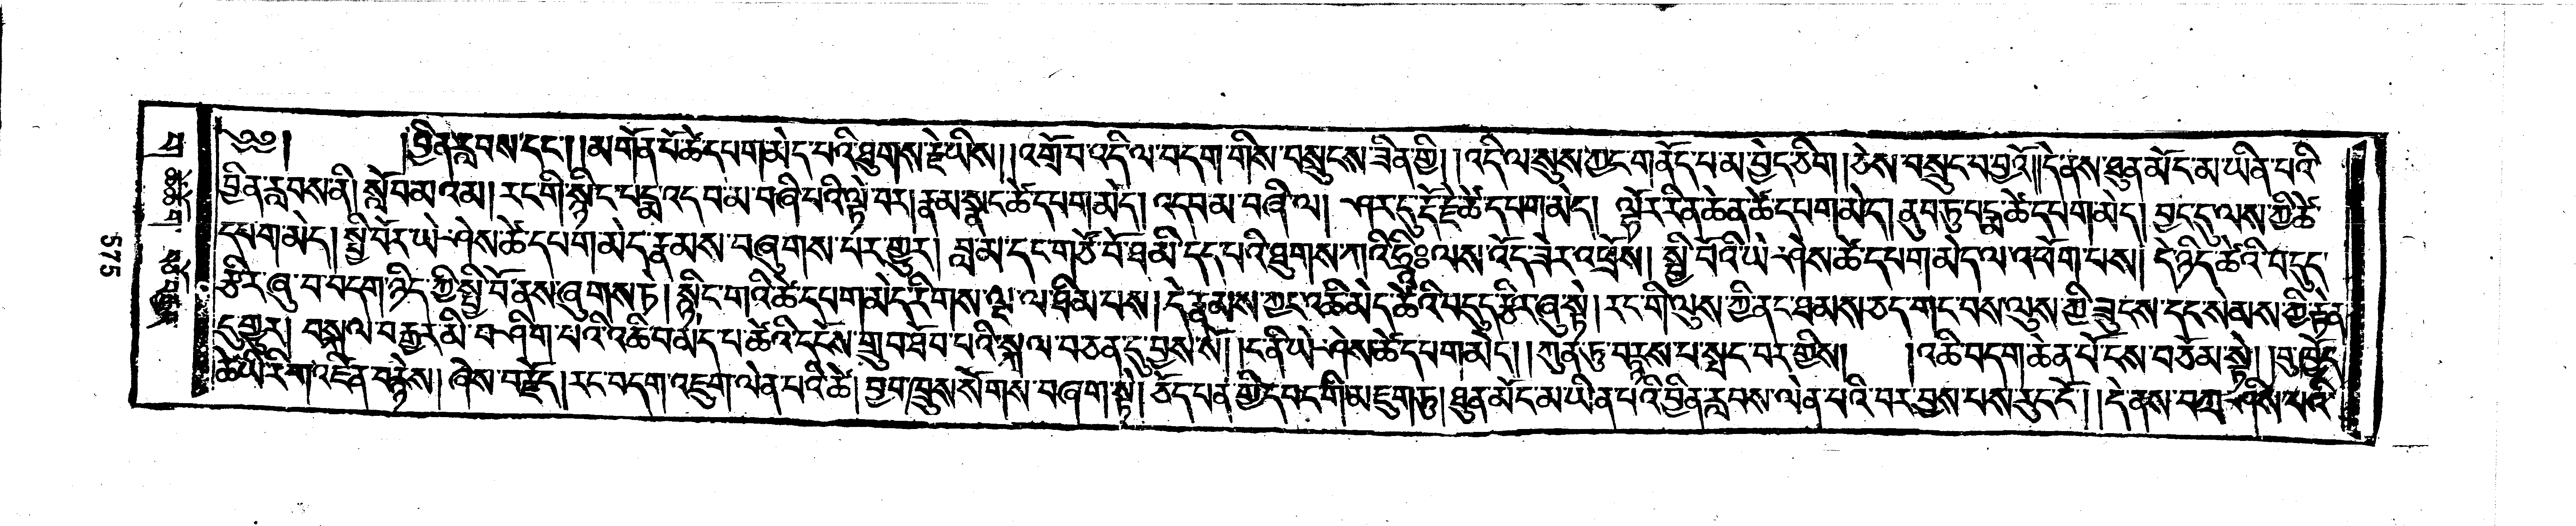༄༅། །བྱིན་རླབས་དང་། །མགོན་པོ་ཚེ་དཔག་མེད་པའི་ཐུགས་རྗེ་ཡིས། །འགྲོ་བ་འདི་ལ་བདག་གིས་བསྲུངས་ཟིན་གྱི། །འདི་ལ་སུས་ཀྱང་གནོད་པ་མ་བྱེད་ཅིག །ཅེས་བསྲུང་བ་བྱའོ། །དེ་ནས་ཐུན་མོང་མ་ཡིན་པའི་
བྱིན་རླབས་ནི། སློབ་མའམ། རང་གི་སྙིང་པདམ་འདབ་མ་བཞི་པའི་ལྟེ་བར། རྣམ་སྣང་ཚེ་དཔག་མེད། འདབ་མ་བཞི་ལ། ཤར་དུ་རྡོ་རྗེ་ཚེ་དཔག་མེད། ལྷོར་རིན་ཆེན་ཚེ་དཔག་མེད། ནུབ་ཏུ་པདམ་ཚེ་དཔག་མེད། བྱང་དུ་ལས་ཀྱི་ཚེ་
དཔག་མེད། སྤྱི་བོར་ཡེ་ཤེས་ཚེ་དཔག་མེད་རྣམས་བཞུགས་པར་གྱུར། བླ་མ་དང་གཙོ་བོ་ཐ་མི་དད་པའི་ཐུགས་ཀའི་ཧྲཱིཿ ལས་འོད་ཟེར་འཕྲོས། སྤྱི་བོའི་ཡེ་ཤེས་ཚེ་དཔག་མེད་ལ་འཕོག་པས། དེ་ཉིད་ཚེའི་བདུད་
རྩིར་ཞུ་བ་བདག་ཉིད་ཀྱི་སྤྱི་བོ་ནས་ཞུགས་ཏེ། སྙིང་གའི་ཚེ་དཔག་མེད་རིགས་ལྔ་ལ་ཐིམ་པས། དེ་རྣམས་ཀྱང་འཆི་མེད་ཚེའི་བདུད་རྩིར་ཞུ་སྟེ། རང་གི་ལུས་ཀྱི་ནང་ཐམས་ཅད་གང་བས་ལུས་ཀྱི་ཟུངས་དང་སེམས་ཀྱི་རྟེན་
དུ་གྱུར། བསྐལ་བརྒྱར་མི་བཤིག་པའི་འཆི་བ་མེད་པ་ཚེའི་དངོས་གྲུབ་ཐོབ་པའི་སྐལ་བ་ཅན་དུ་བྱས་སོ། །ང་ནི་ཡེ་ཤེས་ཚེ་དཔག་མེད། །ཀུན་ཏུ་བརྙས་པ་སྤང་བར་གྱིས། །འཆི་བདག་ཆེན་པོ་ངས་བཅོམ་སྟེ། །བུ་ཁྱོད་
ཆེ་ཡི་རིག་འཛིན་བརྙེས། ཞེས་བརྗོད། རང་བདག་འཇུག་ལེན་པའི་ཚེ། བྱབ་ཁྲུས་སོགས་བཞག་སྟེ། ཅོད་པན་གྱི་དབང་གི་མཇུག་ཏུ། ཐུན་མོང་མ་ཡིན་པའི་བྱིན་རླབས་ལེན་པའི་བར་བྱས་པས་རུང་ངོ། །དེ་ནས་བཀྲ་ཤིས་པའི་